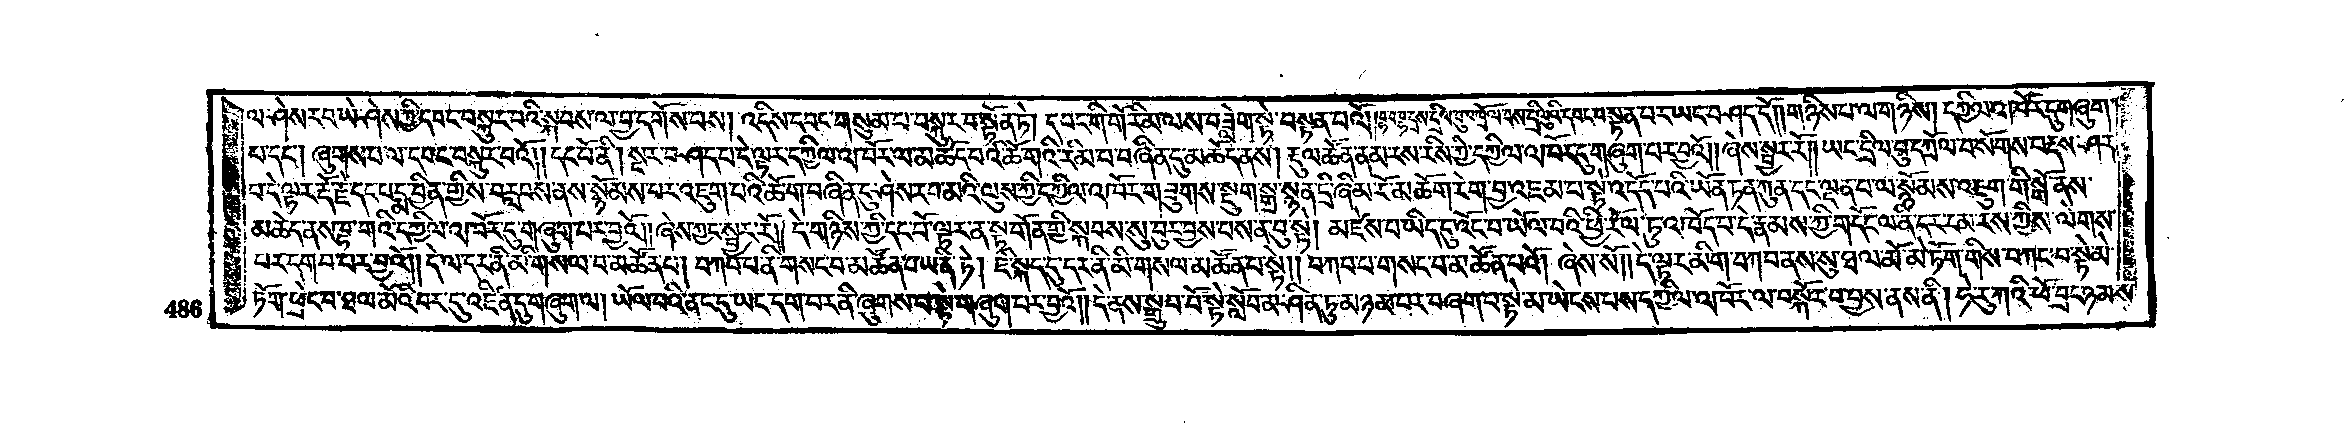ལ་ཤེས་རབ་ཡེ་ཤེས་ཀྱི་དབང་བསྐུར་བའི་སྐབས་ལ་བྱ་དགོས་པས། འདིས་དབང་གསུམ་པ་བསྐུར་བ་སྟོན་ཏེ། དབང་གི་གོ་རིམ་ལས་བཟློག་སྟེ་བསྟན་པའོ། །བྷ་བ་བྷ་དྲས་དྲིལ་བུ་འཁྲོལ་བས་དྲིལ་ལུའི་དབང་བསྟན་པར་ཡང་བཤད་དོ། །གཉིས་པ་ལ་གཉིས། དཀྱིལ་འཁོར་དུ་གཞུག་
པ་དང་། ཞུགས་པ་ལ་དབང་བསྐུར་བའོ། །དང་པོ་ནི། སྔར་བཤད་པ་དེ་ལྟར་དཀྱིལ་འཁོར་ལ་མཆོད་པའི་ཆོ་གའི་རིམ་པ་བཞིན་དུ་མཆོད་ནས། རྡུལ་ཚོན་ནམ་རས་རིས་ཀྱི་དཀྱིལ་འཁོར་དུ་གཞུག་པར་བྱའོ། །ཞེས་སྦྱར་རོ། །ཡང་དྲིལ་བུ་དཀྲོལ་བ་སོགས་བརྡས་བཤད་
པ་དེ་ལྟར་རྡོ་རྗེ་དང་པདམ་བྱིན་གྱིས་བརླབས་ནས་སྙོམས་པར་འཇུག་པའི་ཆོ་ག་བཞིན་དུ་ཤེས་རབ་མའི་ལུས་ཀྱི་དཀྱིལ་འཁོར་གཟུགས་སྡུག་སྒྲ་སྙན་དྲི་ཞིམ་རོ་མཆོག་རེག་བྱ་འཇམ་པ་སྟེ་འདོད་པའི་ཡོན་ཏན་ཀུན་དང་ལྡན་པ་ལ་སྙོམས་འཇུག་གི་སྒོ་ནས་
མཆེད་ནས་བྷ་གའི་དཀྱིལ་འཁོར་དུ་གཞུག་པར་བྱའོ། །ཞེས་ཀྱང་སྦྱར་རོ། །དེ་གཉིས་ཀྱི་དང་པོ་ལྟར་ན་སྟ་གོན་གྱི་སྐབས་སུ་བུར་བྱས་པས་ན་བུ་སྟེ། མཛེས་པ་ཡིད་དུ་འོང་བ་ཡོལ་བའི་ཕྱི་རོལ་ཏུ་འཁོད་པ་དེ་རྣམས་ཀྱི་གདོང་ལ་ནི་དར་རམ་རས་ཀྱིས་ལེགས་
པར་དགབ་པར་བྱའོ། །དེ་ལ་དར་ནི་མི་གསལ་བ་མཚོན་པ། བཀབ་པ་ནི་གསང་བ་མཚོན་པ་ཡིན་ཏེ། ཇི་སྐད་དུ་དར་ནི་མི་གསལ་མཚོན་པ་སྟེ། །བཀབ་པ་གསང་བ་མཚོན་པའོ། ཞེས་སོ། །དེ་ལྟར་མིག་བཀབ་ནས་སུ་ཐལ་མོ་མེ་ཏོག་གིས་བཀང་བ་སྟེ་མེ་
ཏོག་ཕྲེང་བ་ཐལ་མོའི་བར་དུ་འཛིན་དུ་གཞུག་ལ། ཡོལ་བའི་ནང་དུ་ཡང་དག་པར་ནི་ཞུགས་པ་སྟེ་གཞུག་པར་བྱའོ། །དེ་ནས་སྒྲུབ་བོ་སྟེ་སློབ་མ་ཤིན་ཏུ་མཉམ་པར་བཞག་པ་སྟེ་མ་ཡེངས་པས་དཀྱིལ་འཁོར་ལ་བསྐོར་བ་བྱས་ནས་ནི། ཧེ་རུ་ཀའི་ཕོ་བྲང་ཉམས་